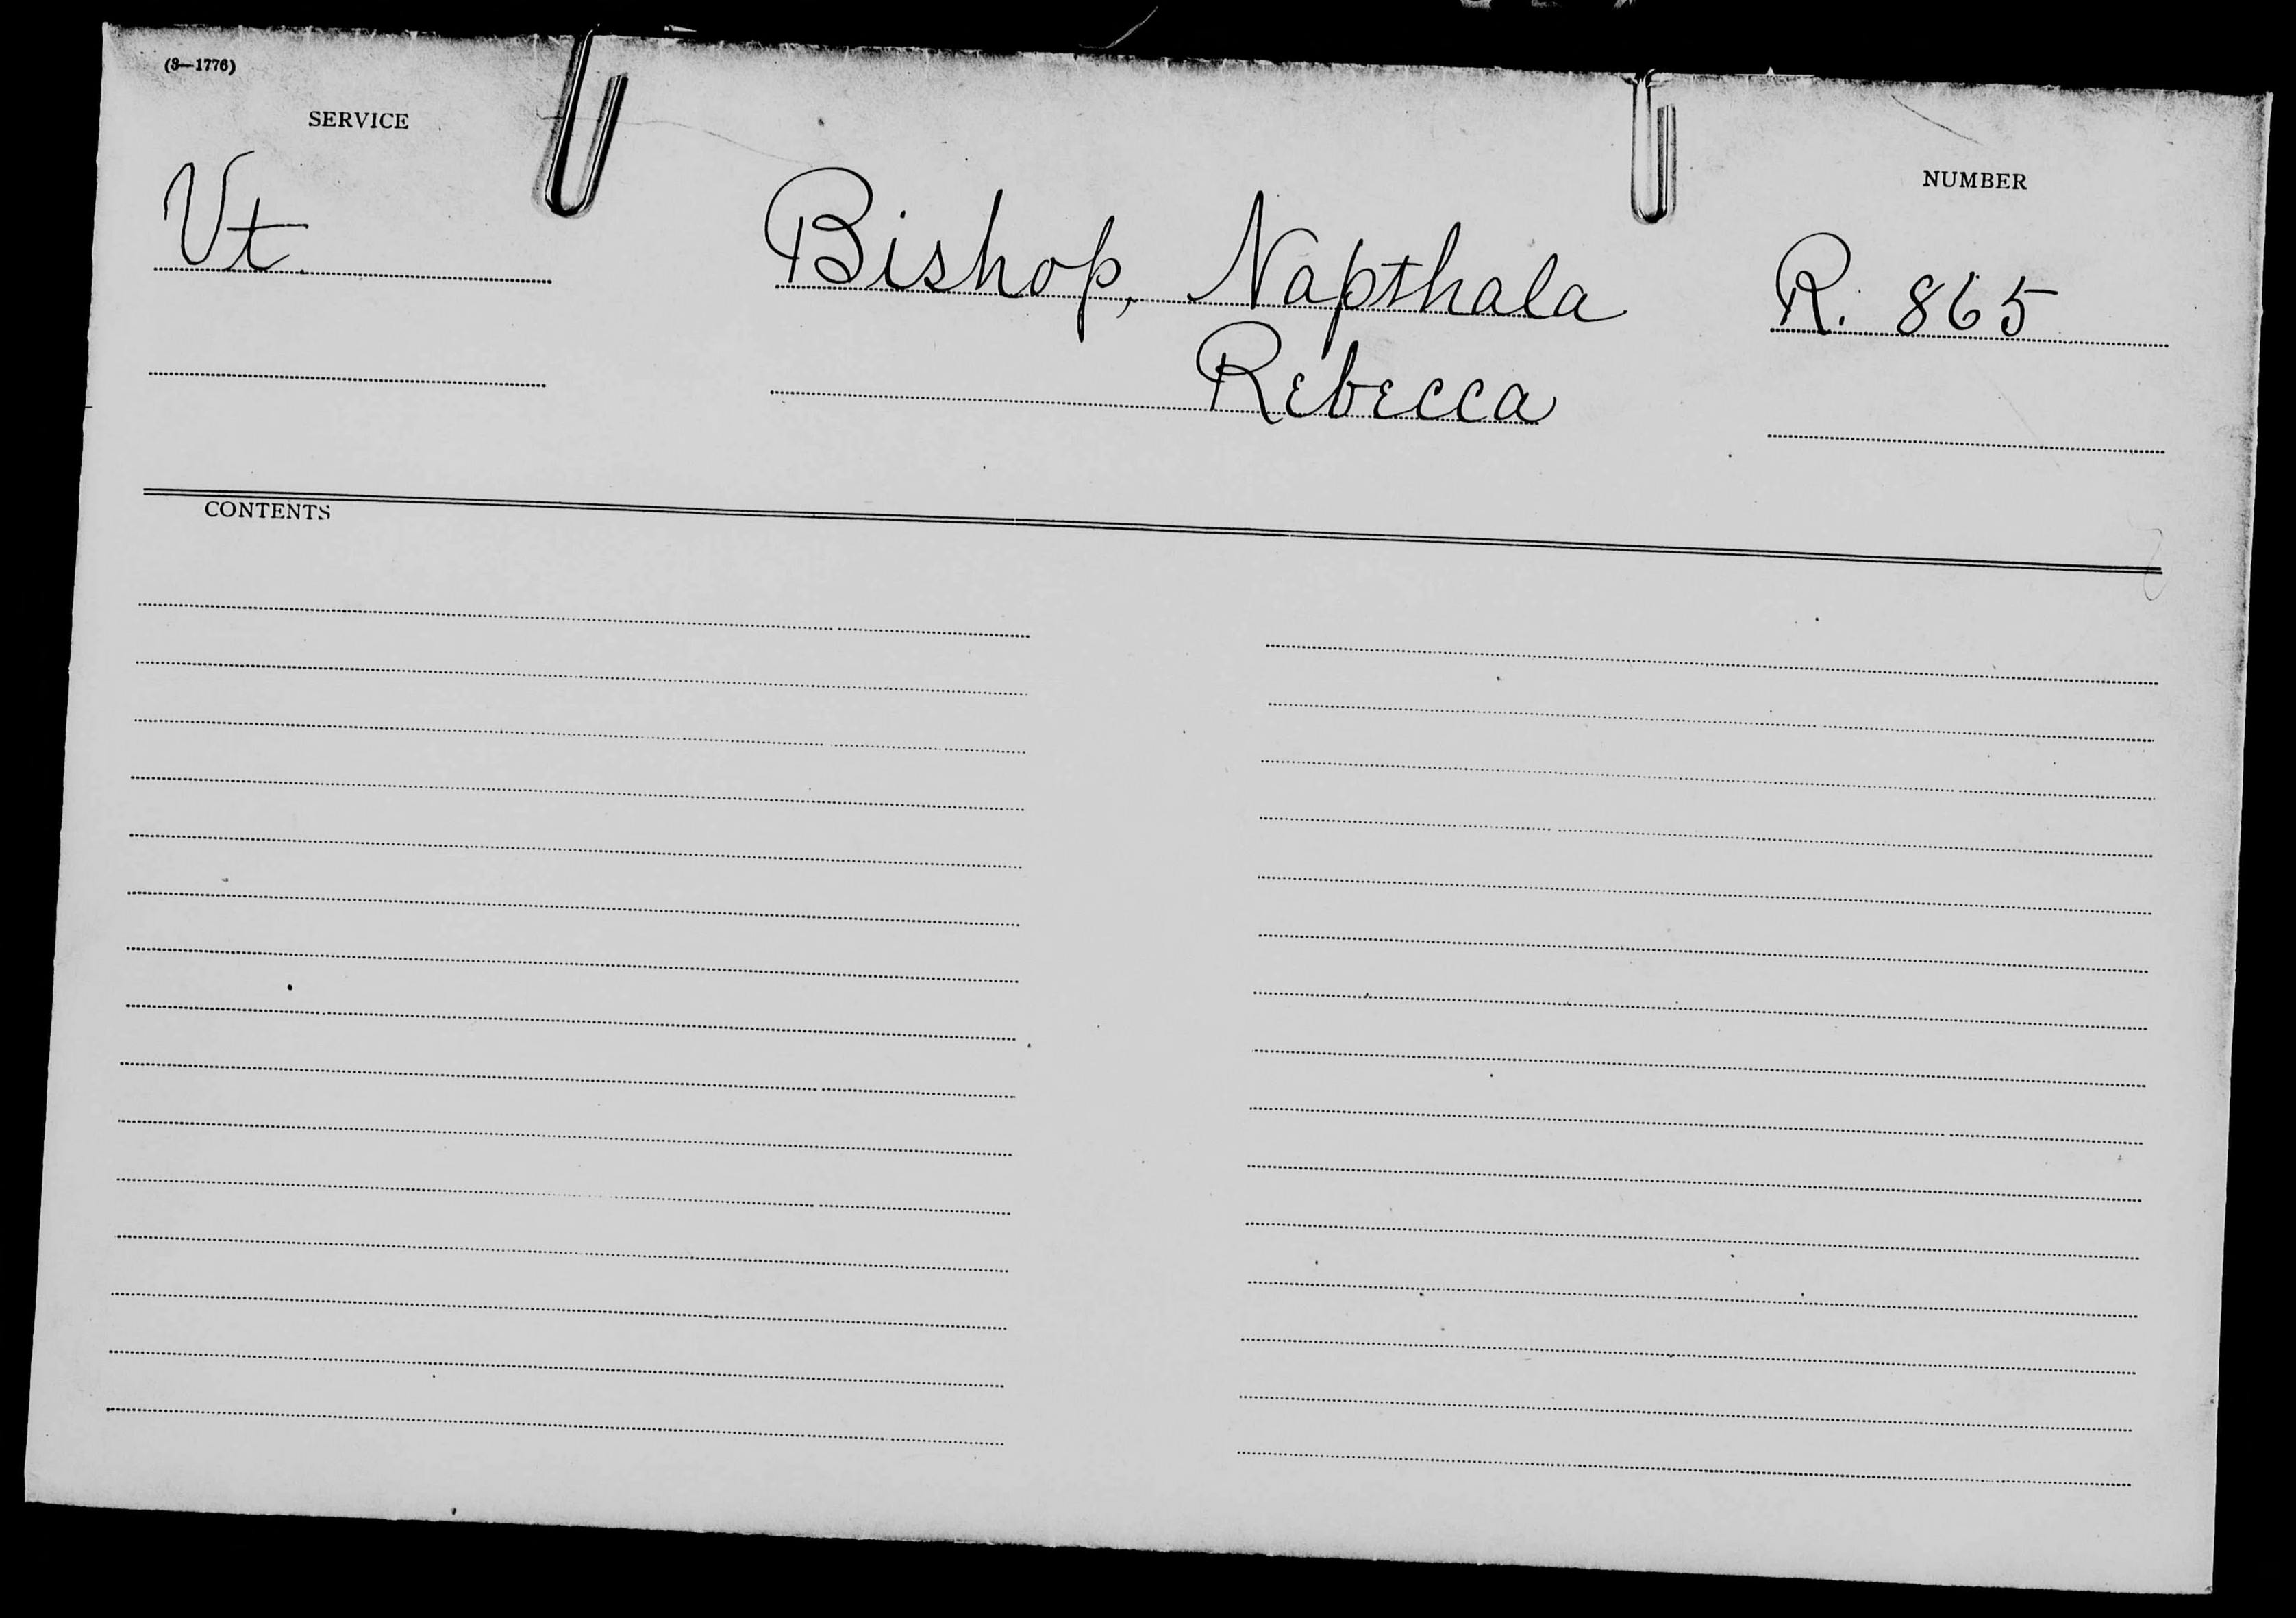Service  Vt.
Number   R. 865
Bishop, Napthala       
Rebecca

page: 1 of 27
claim: rejected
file: R. 865, Napthala Bishop, Vt.